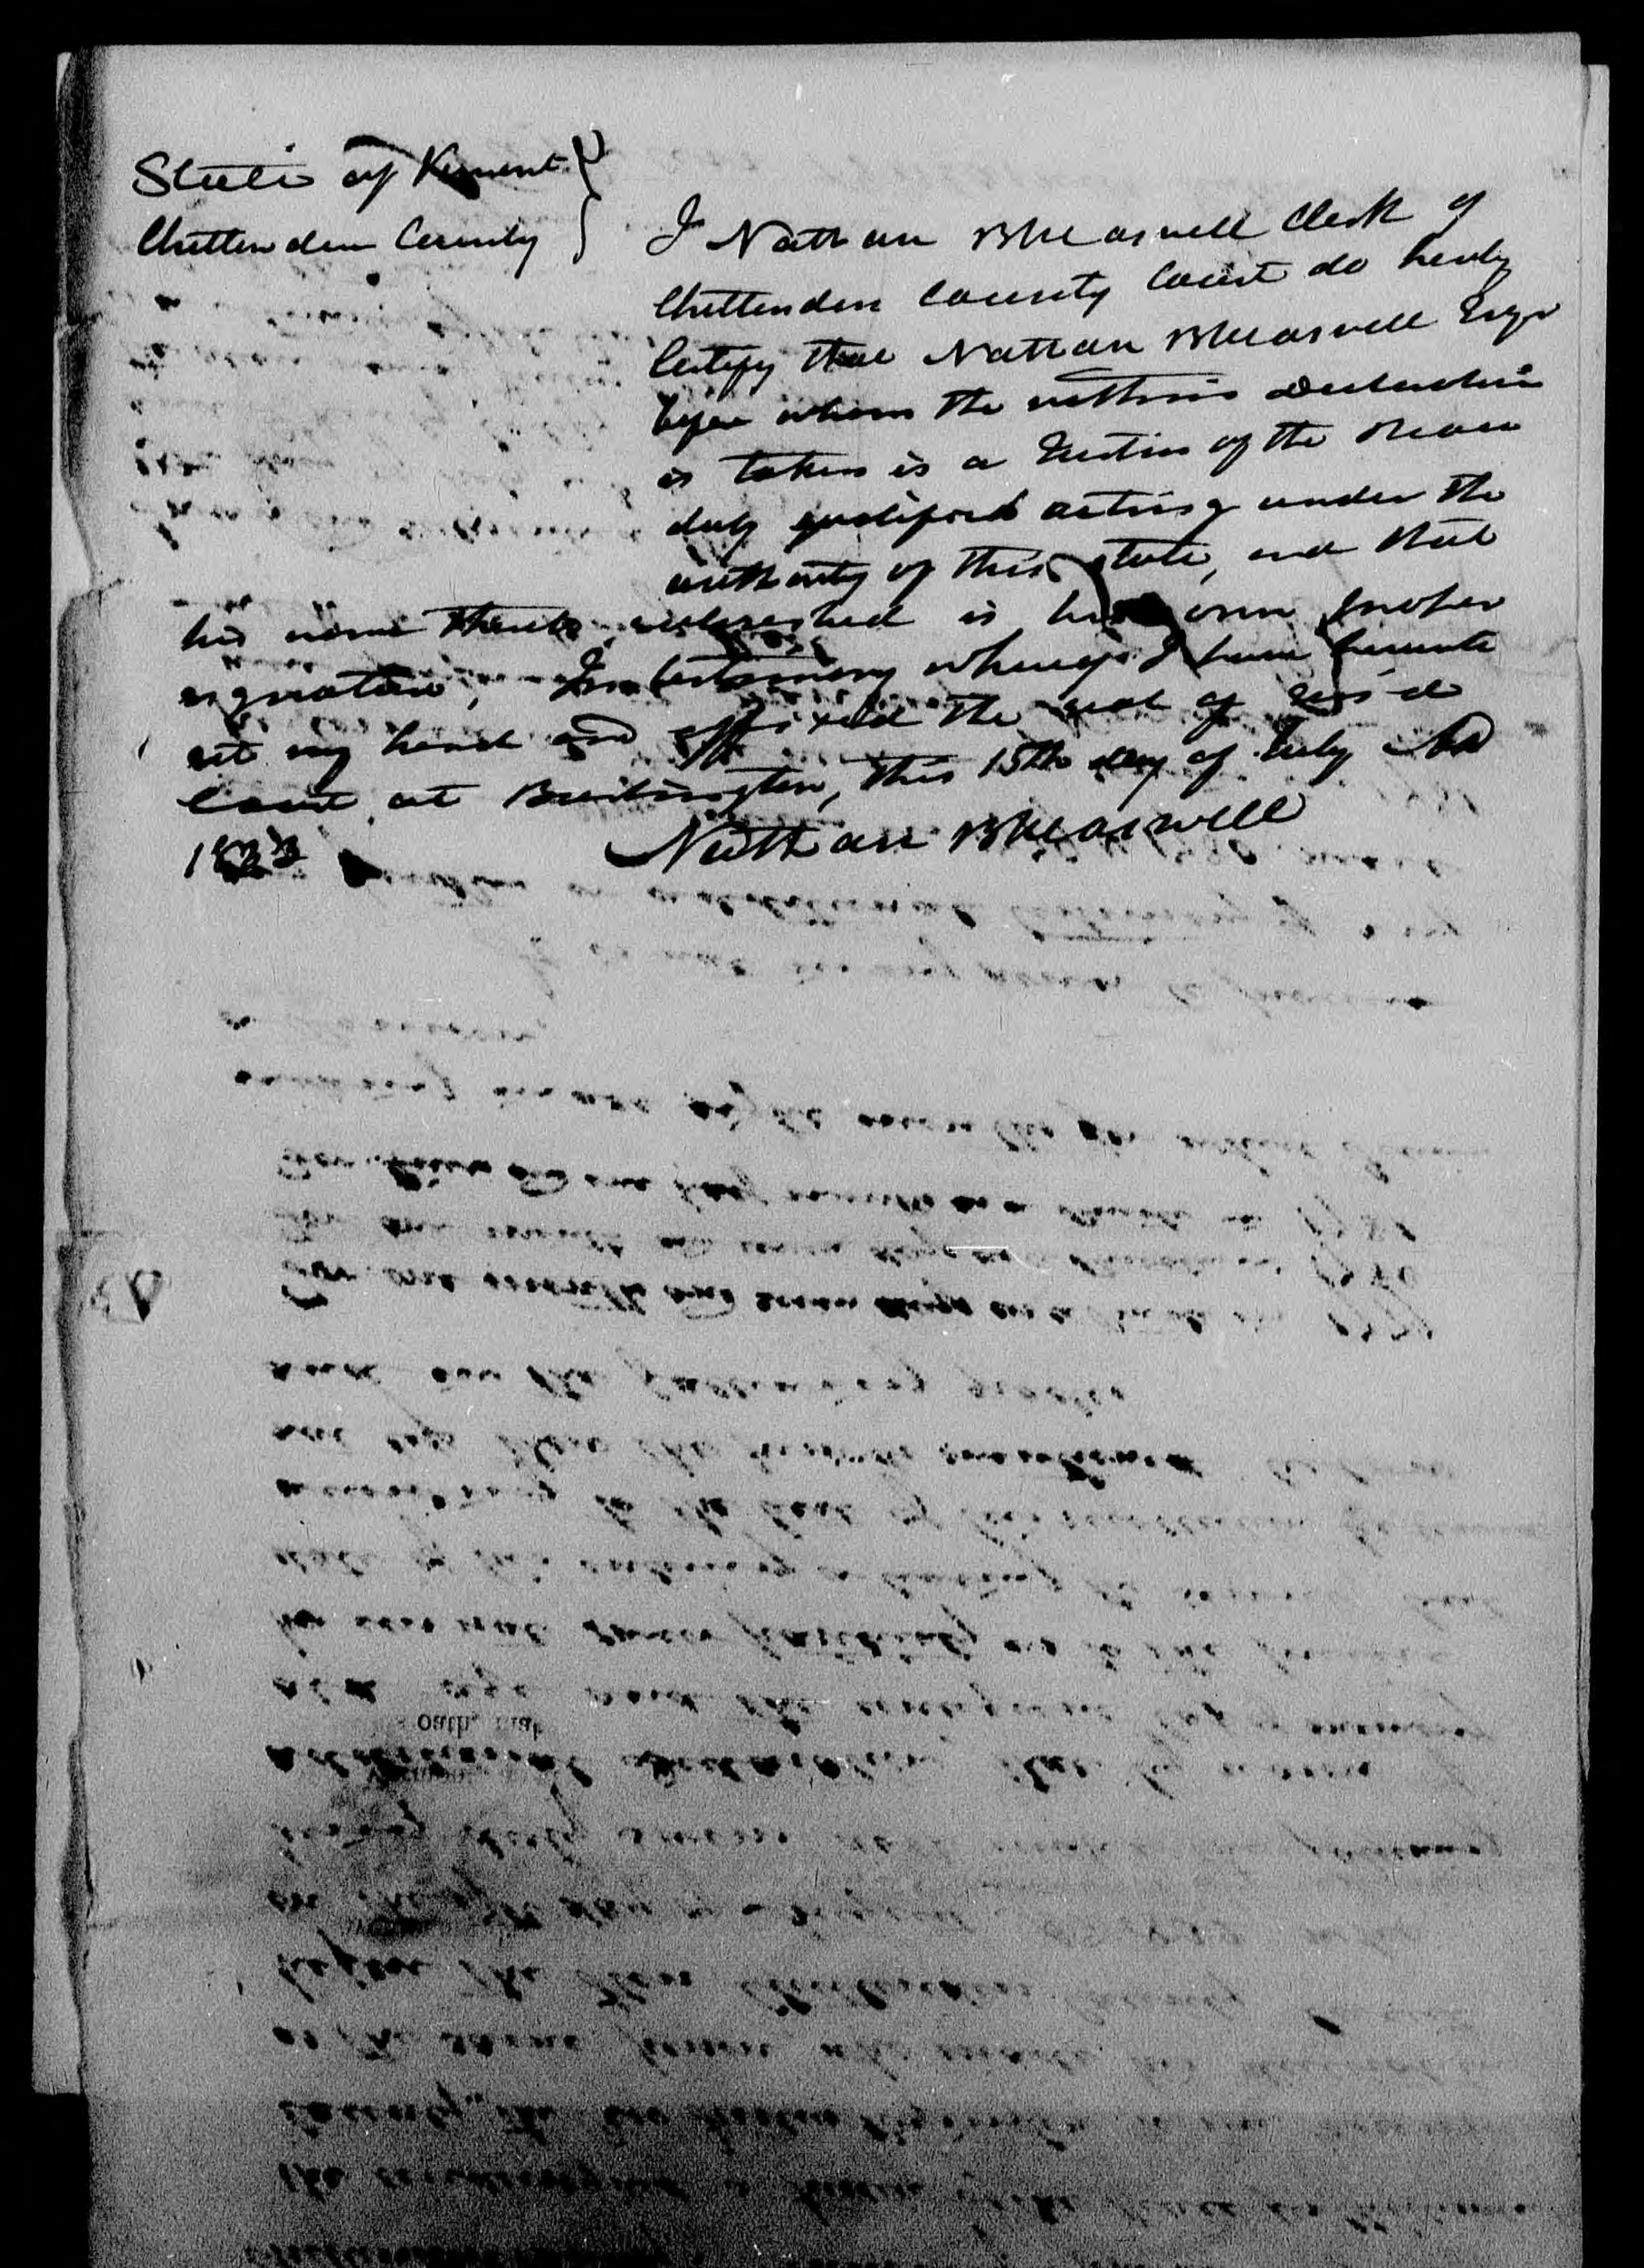State of Vermont}
Chittenden County}

I Nathan B Maxwell clerk of Chittenden County Court do hereby certify that Nathan B Maxwell Esq before whom the within declaration is taken is a Justice of the Peace duly qualified acting under the authority of this state, and that his name thereto witnessed is his inn proper signature. In testimony whereof I have hereunto set my hand and affixed the seal of said Court at Burlington, this 15th day of July AD 1833
Nathan B Maxwell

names: Nathan B Maswell, Nathan B Maswell, Nathan B Maswell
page: 21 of 79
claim: widow's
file: W. 23754, Justus Byington, Conn.